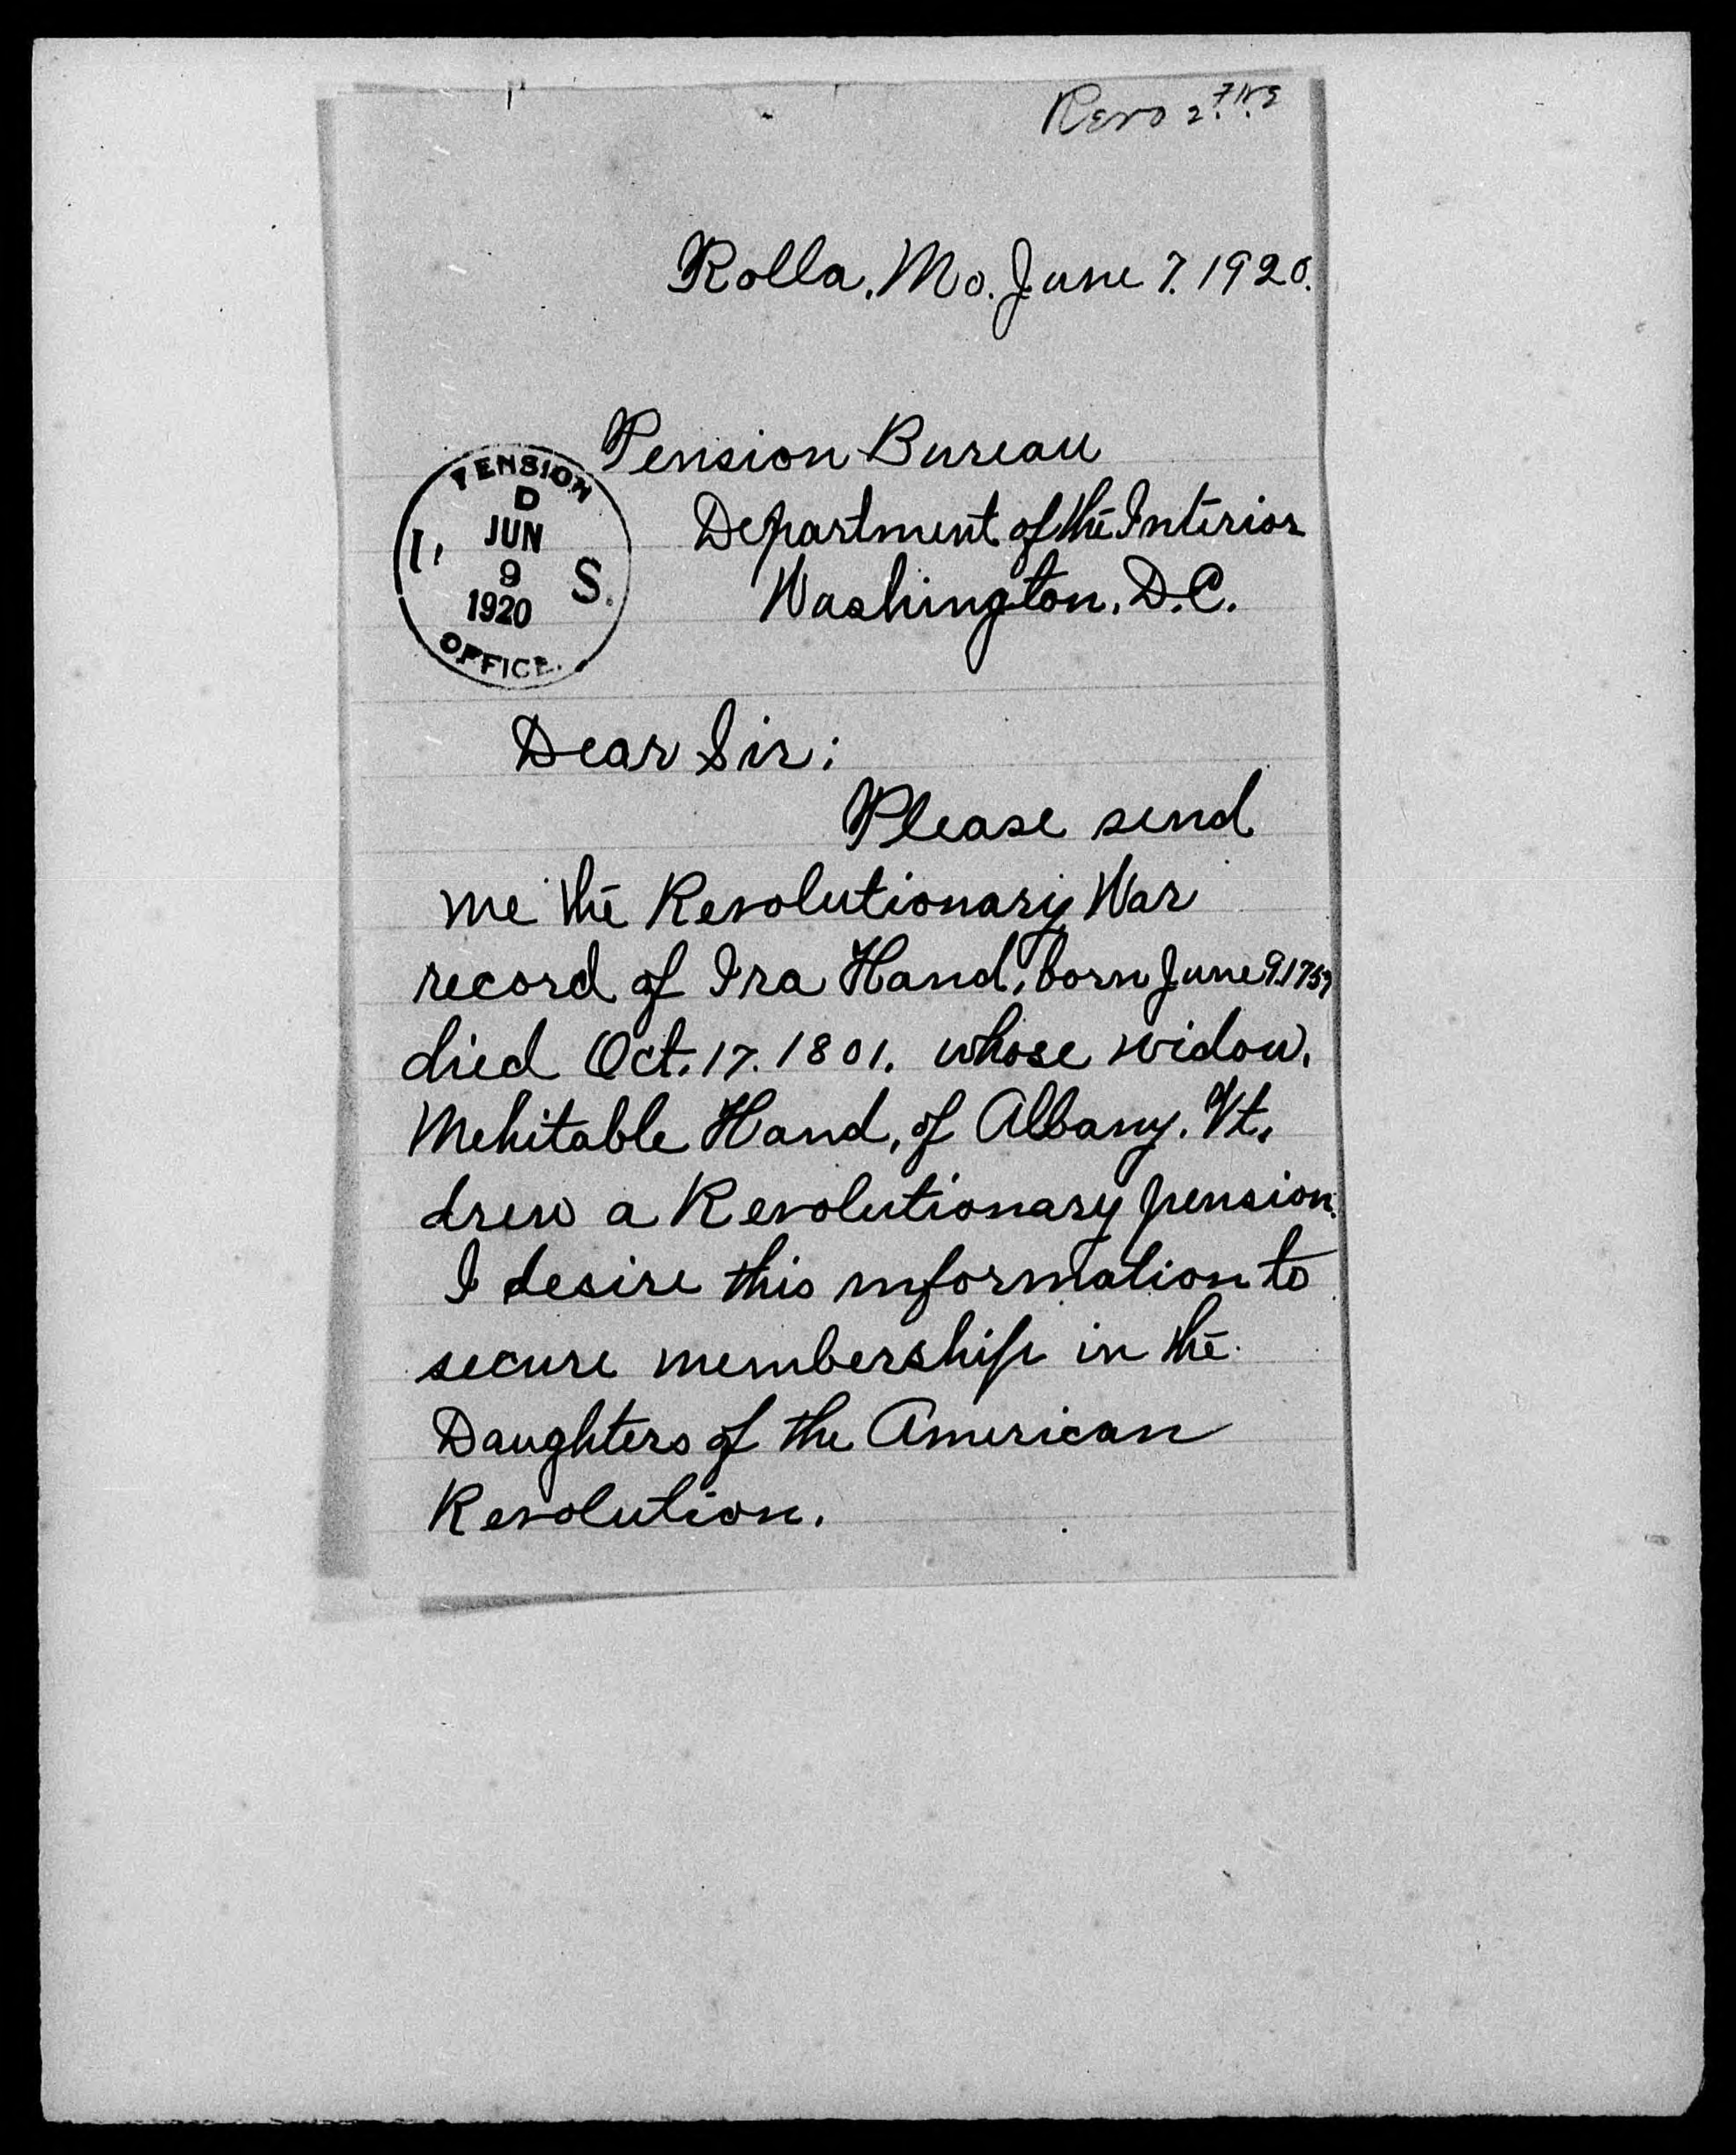Revo e.7[]
Rolla, Mo June 7. 1920

Pension Bureau
Department of the Interior
Washington D.C.
{stamp PENSION D JUN 9 1920 S. Office}

Dear Sir:
Please send me the Revolutionary War record of Ira Hand. born June 9, 1759 died Oct. 17, 1801. whose widow Mehitable Hand of Albany Vt. drew a Revolutionary pension.  I desire this information to secure membership in the Daughters of the Revolution.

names: Mehitable Hand, Ira Hand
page: 17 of 42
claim: widow's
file: W. 19,722, Ira Hand, N.H. Vt.